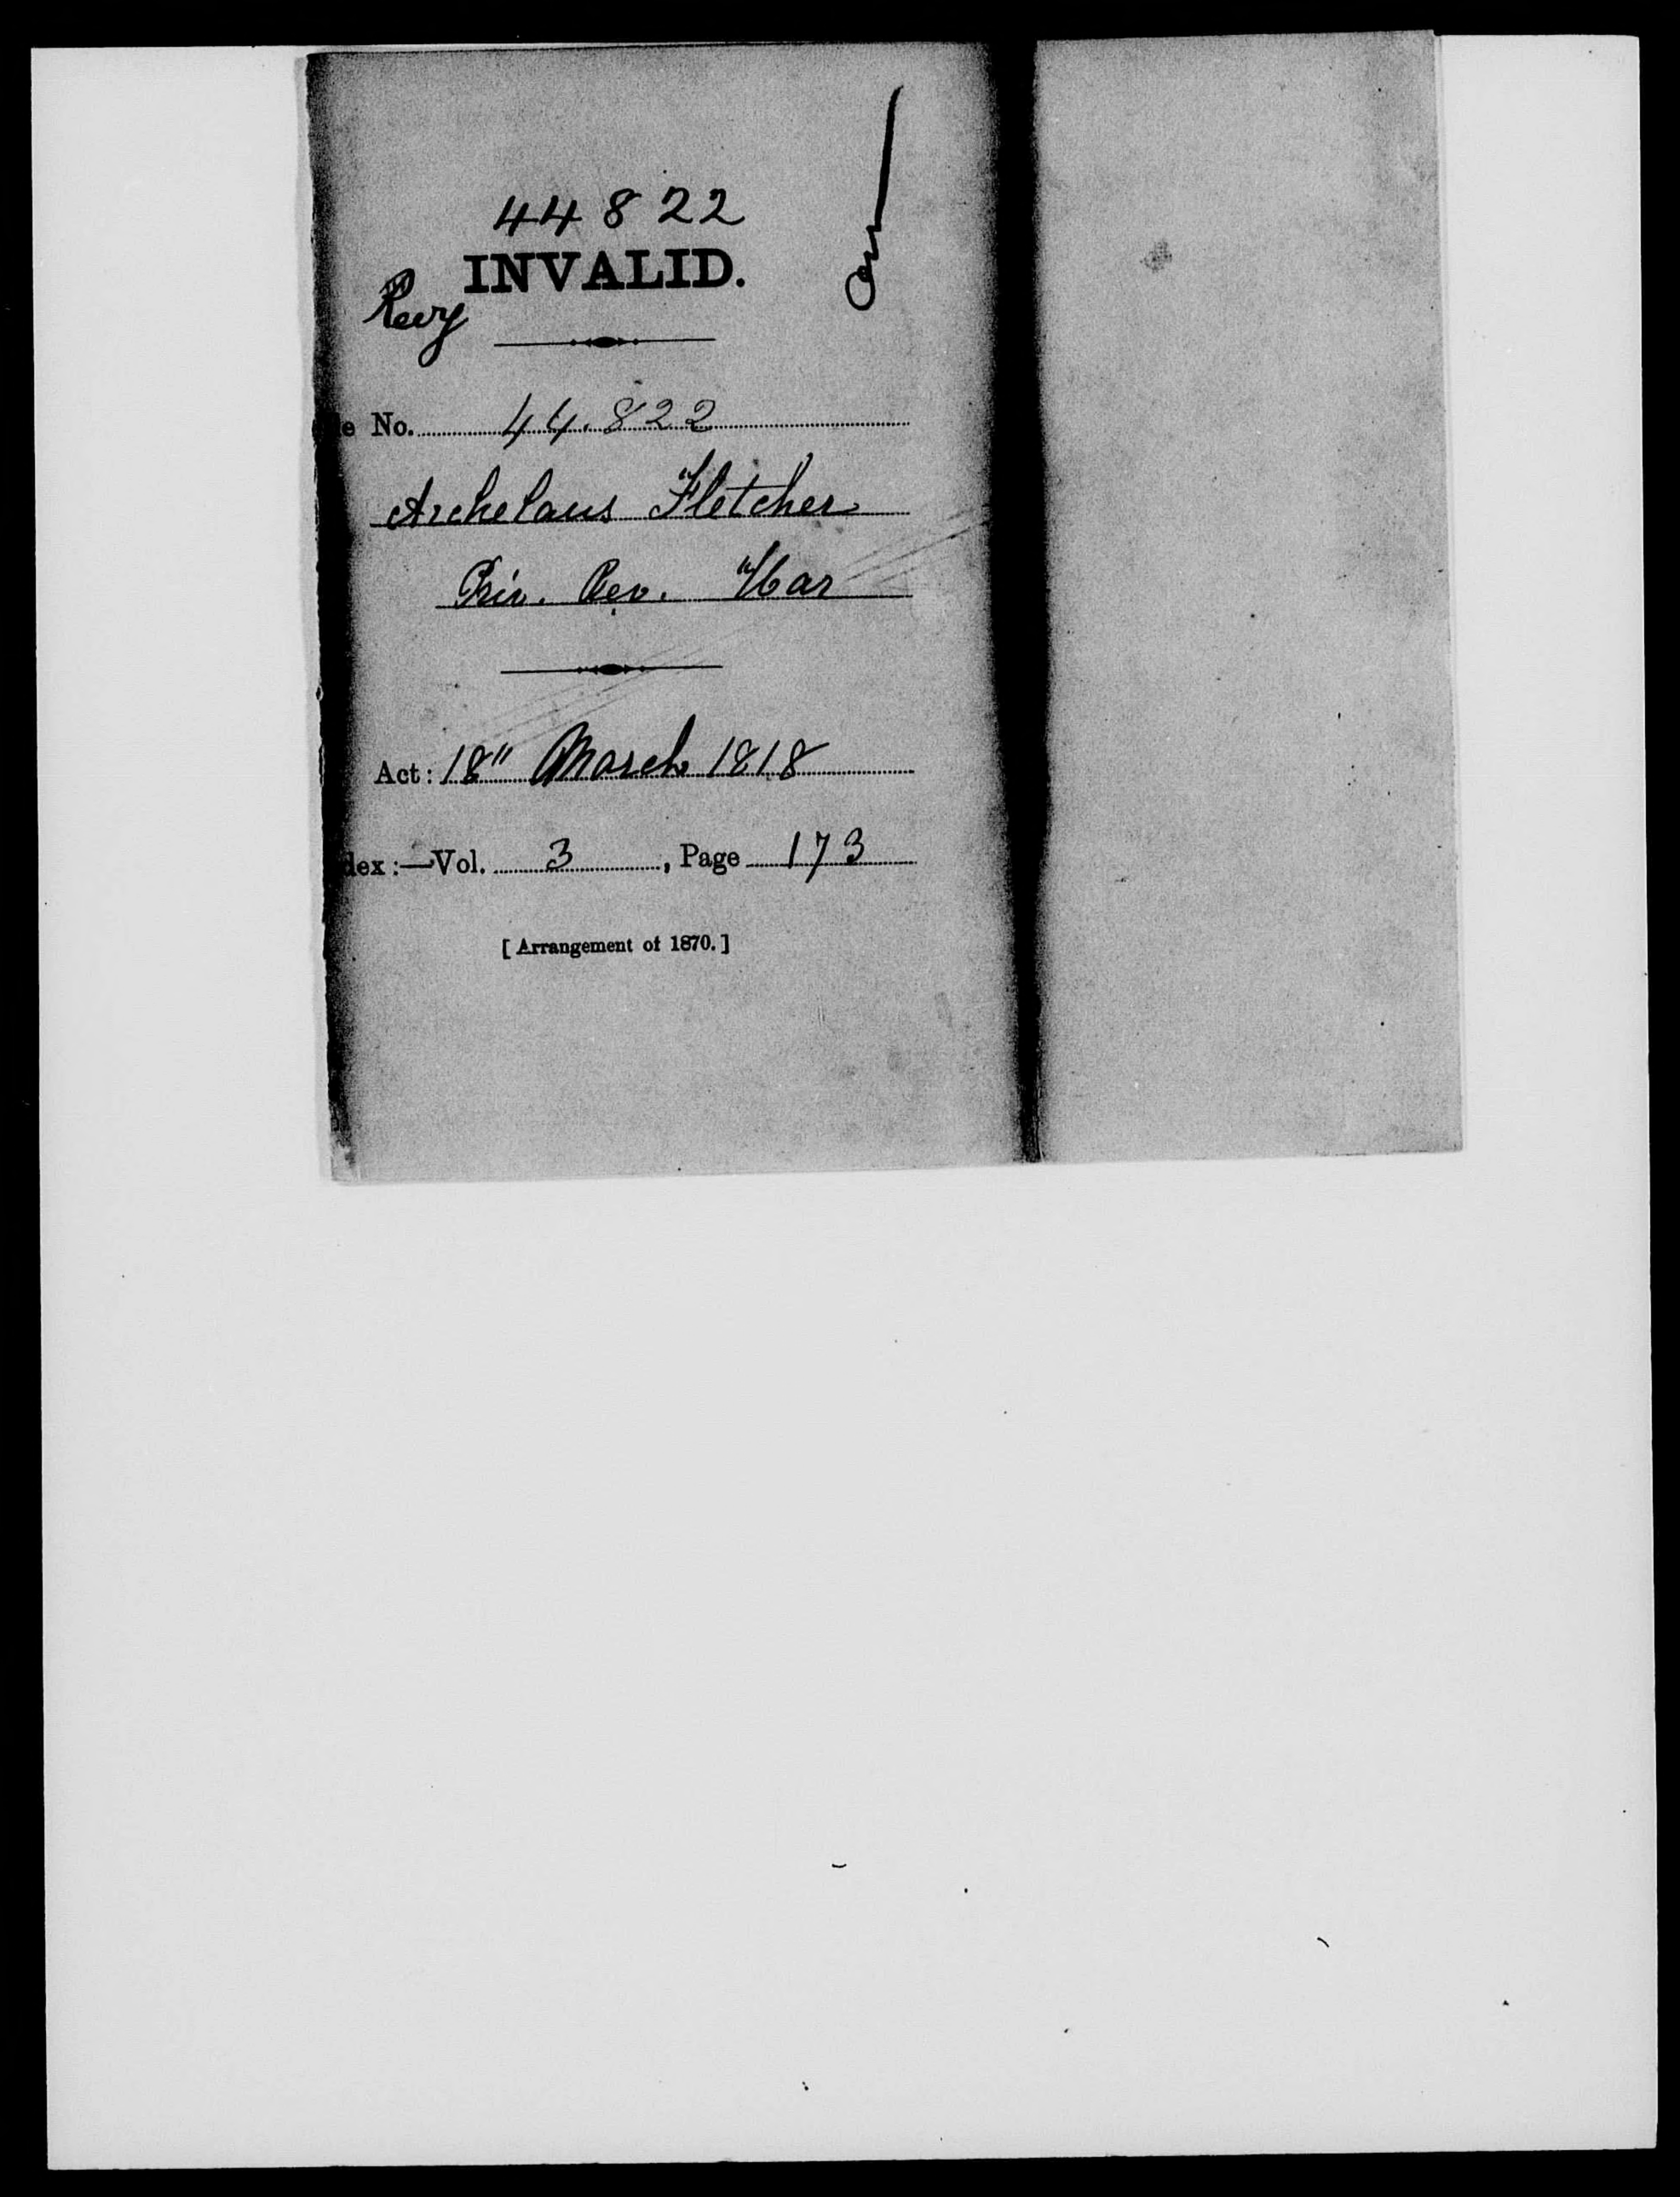44822
INVALID

No. 44.822
Archelaus Fletcher
(illegible) Rev. War
Act: 18th March 1818

Vol 3, Page 173
(Arrangement of 1870)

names: Archelaus Fletcher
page: 11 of 18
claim: survivor's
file: S. 44822, Archelaus Fletcher, Mass.